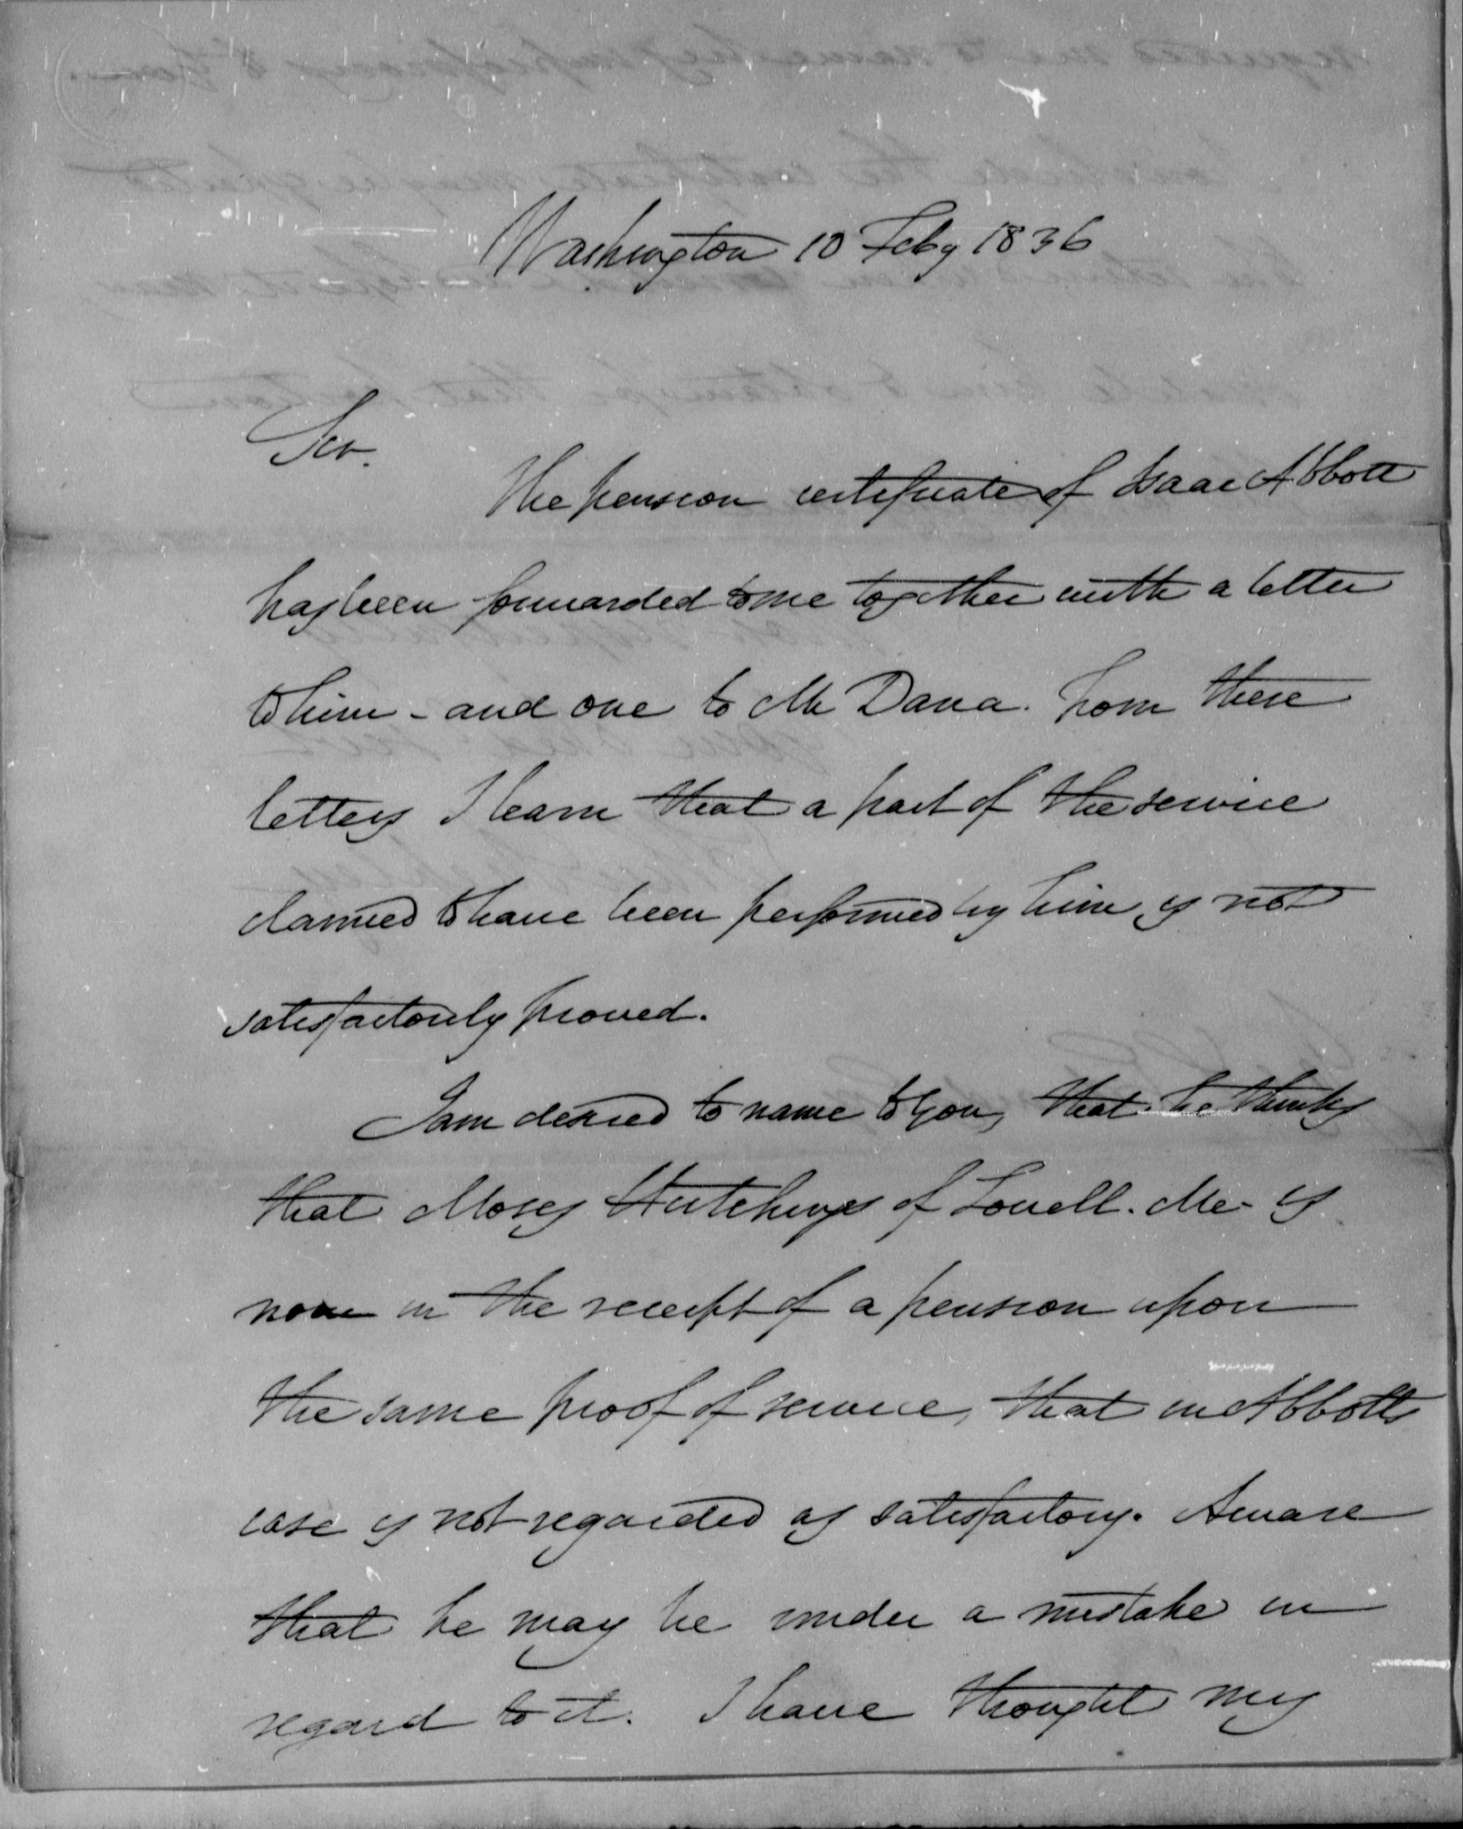Washington, 10 Feby 1836

Sir,
The Pension Certificate of Isaac Abbott has been forwarded to me together with a letter to him - and one to Mr. Dana. From these letters I learn that a part of the service claimed to have been performed by him is not satisfactorily proved.
I am cleared to name to you, that he [illegible] that Moses Hutchings of Lowell, ME, is now in receipt of a pension upon the same proof of service that Mr. Abbott's case is not regarded as satisfactory. Aware that he maybe made a mistake in regard to it. I have thought my
...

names: Dana, Moses Hutchings, Isaac Abbott, Abbott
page: 44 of 86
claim: survivor's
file: S 29,568, Isaac Abbot, Mass